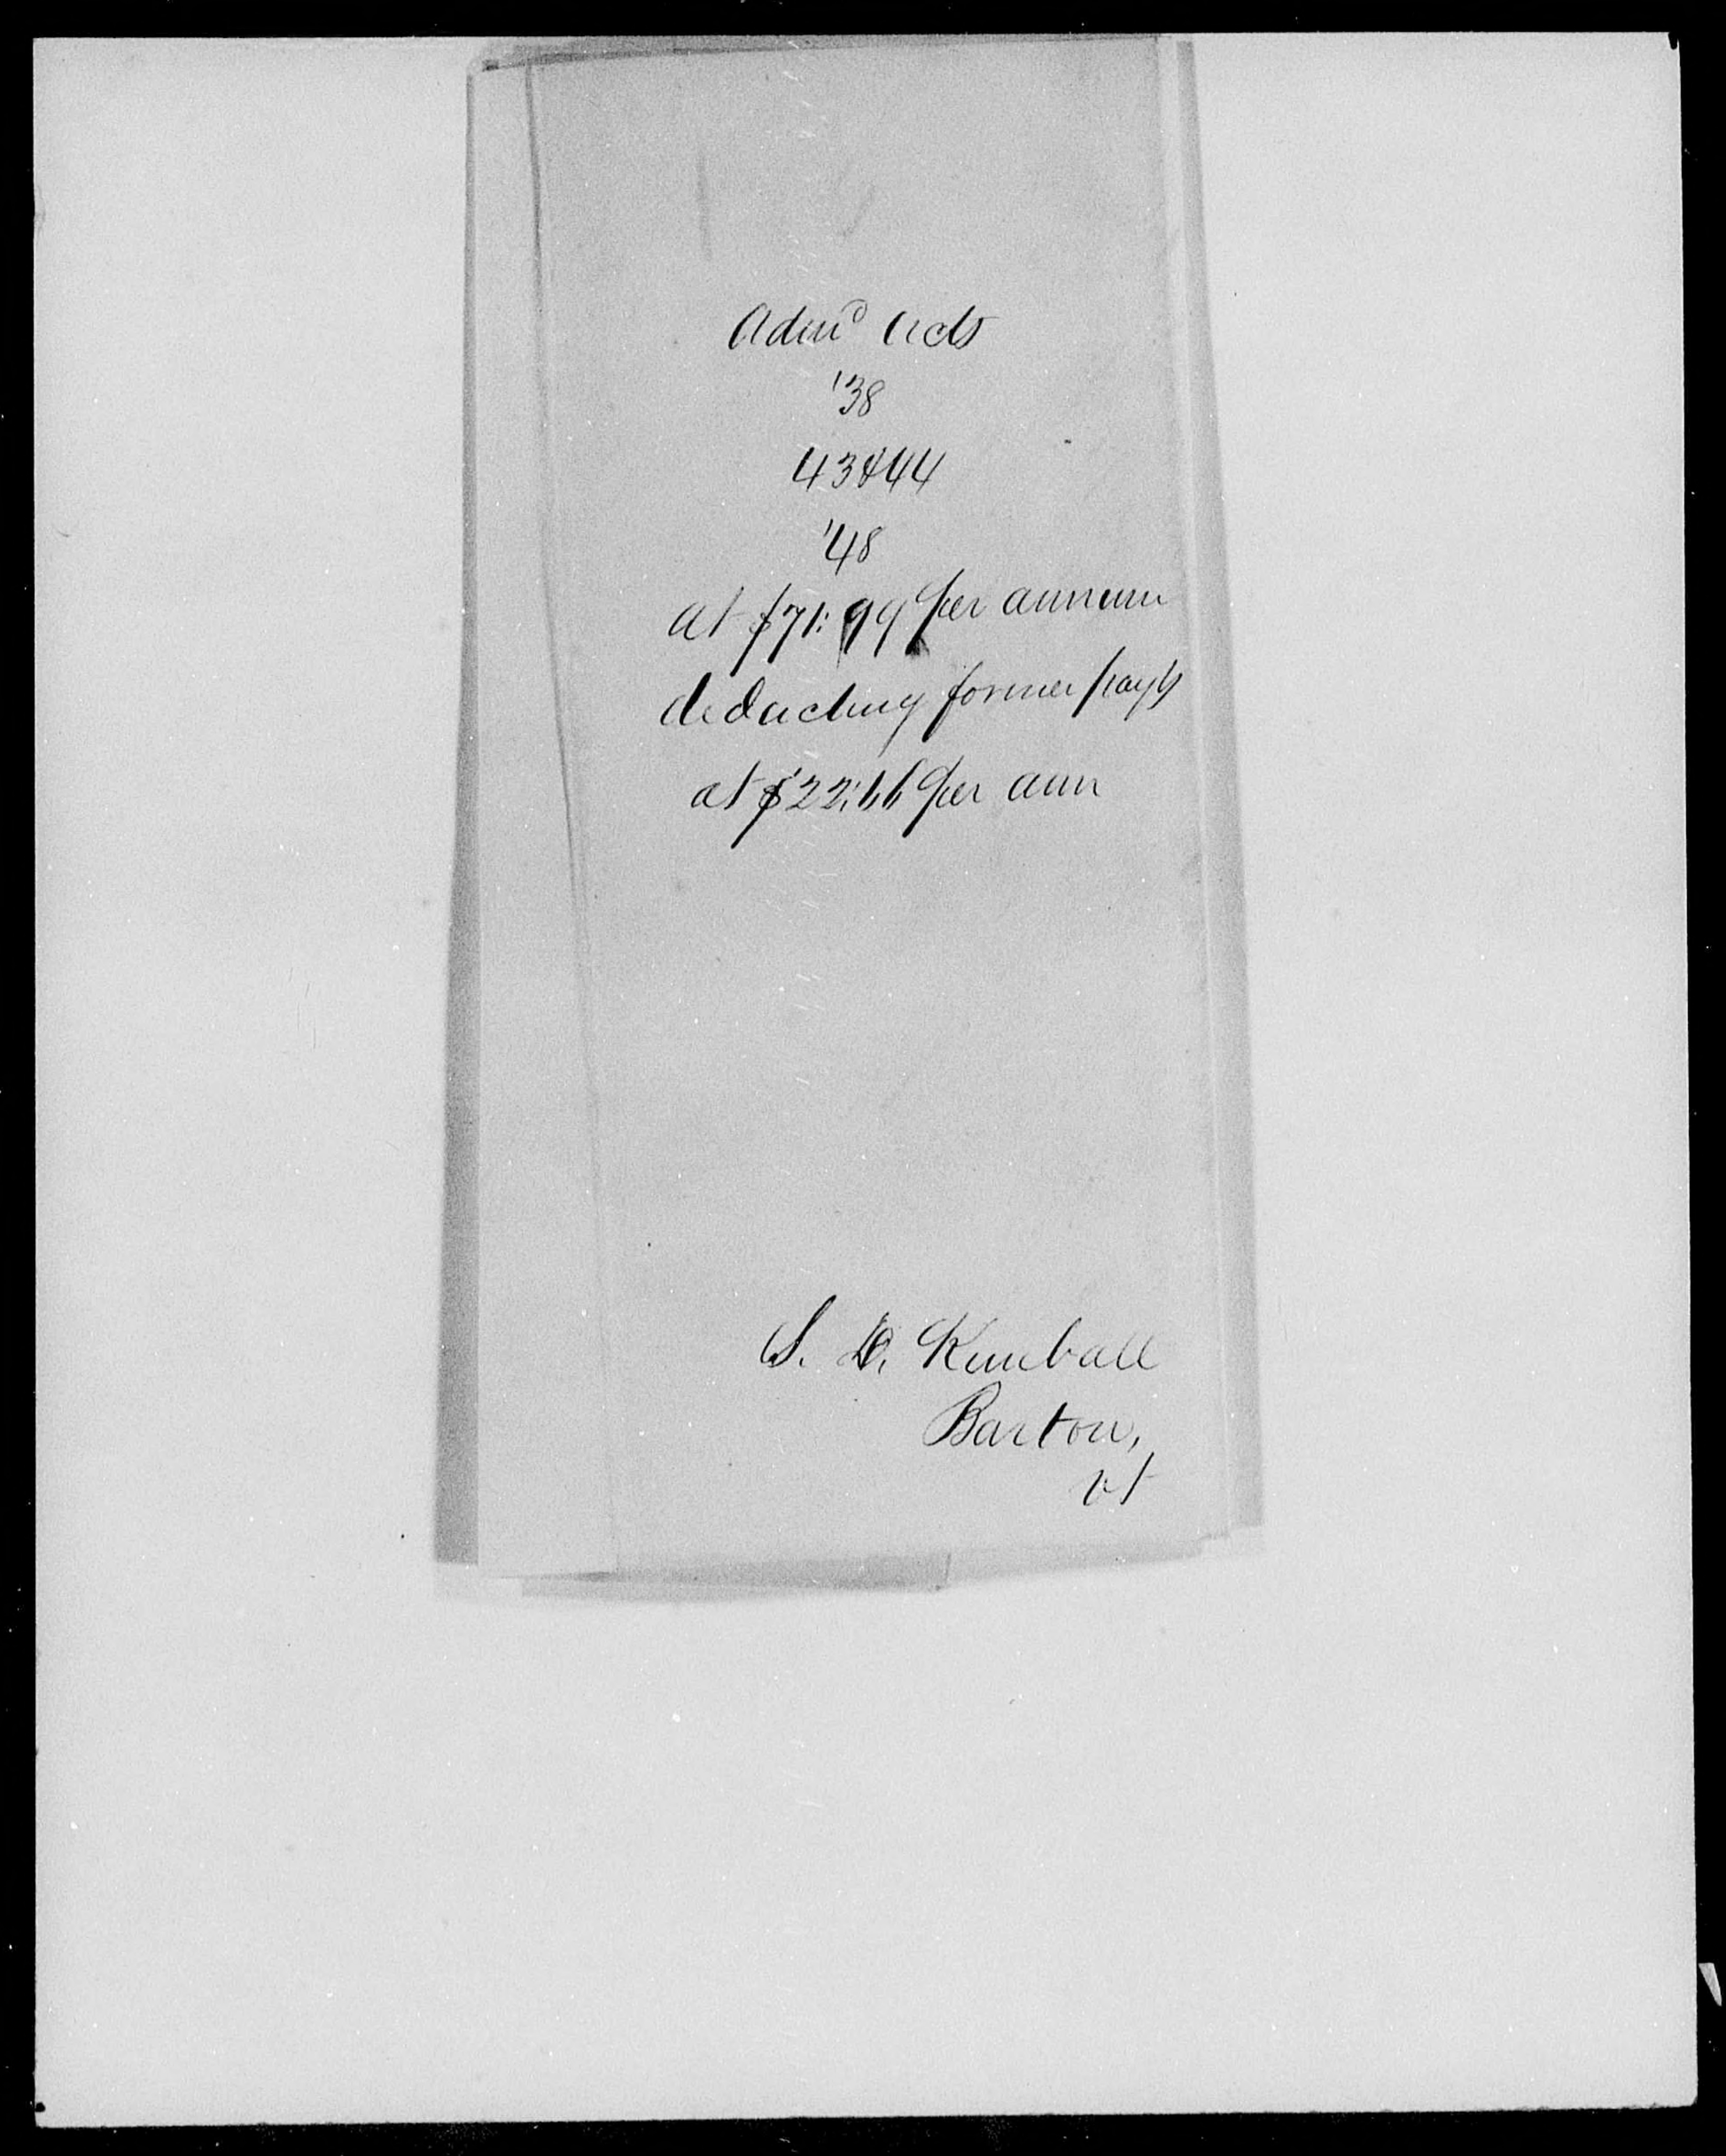Admd acts
'38
43&44
'48
at $71.99 per annum
deducting former paym
at $22.66 per ann

S. D. Kimball
Barton
Vt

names: S D Kimball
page: 41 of 61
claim: widow's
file: W. 19500, Samuel Thing Gilman, Continental N.H.